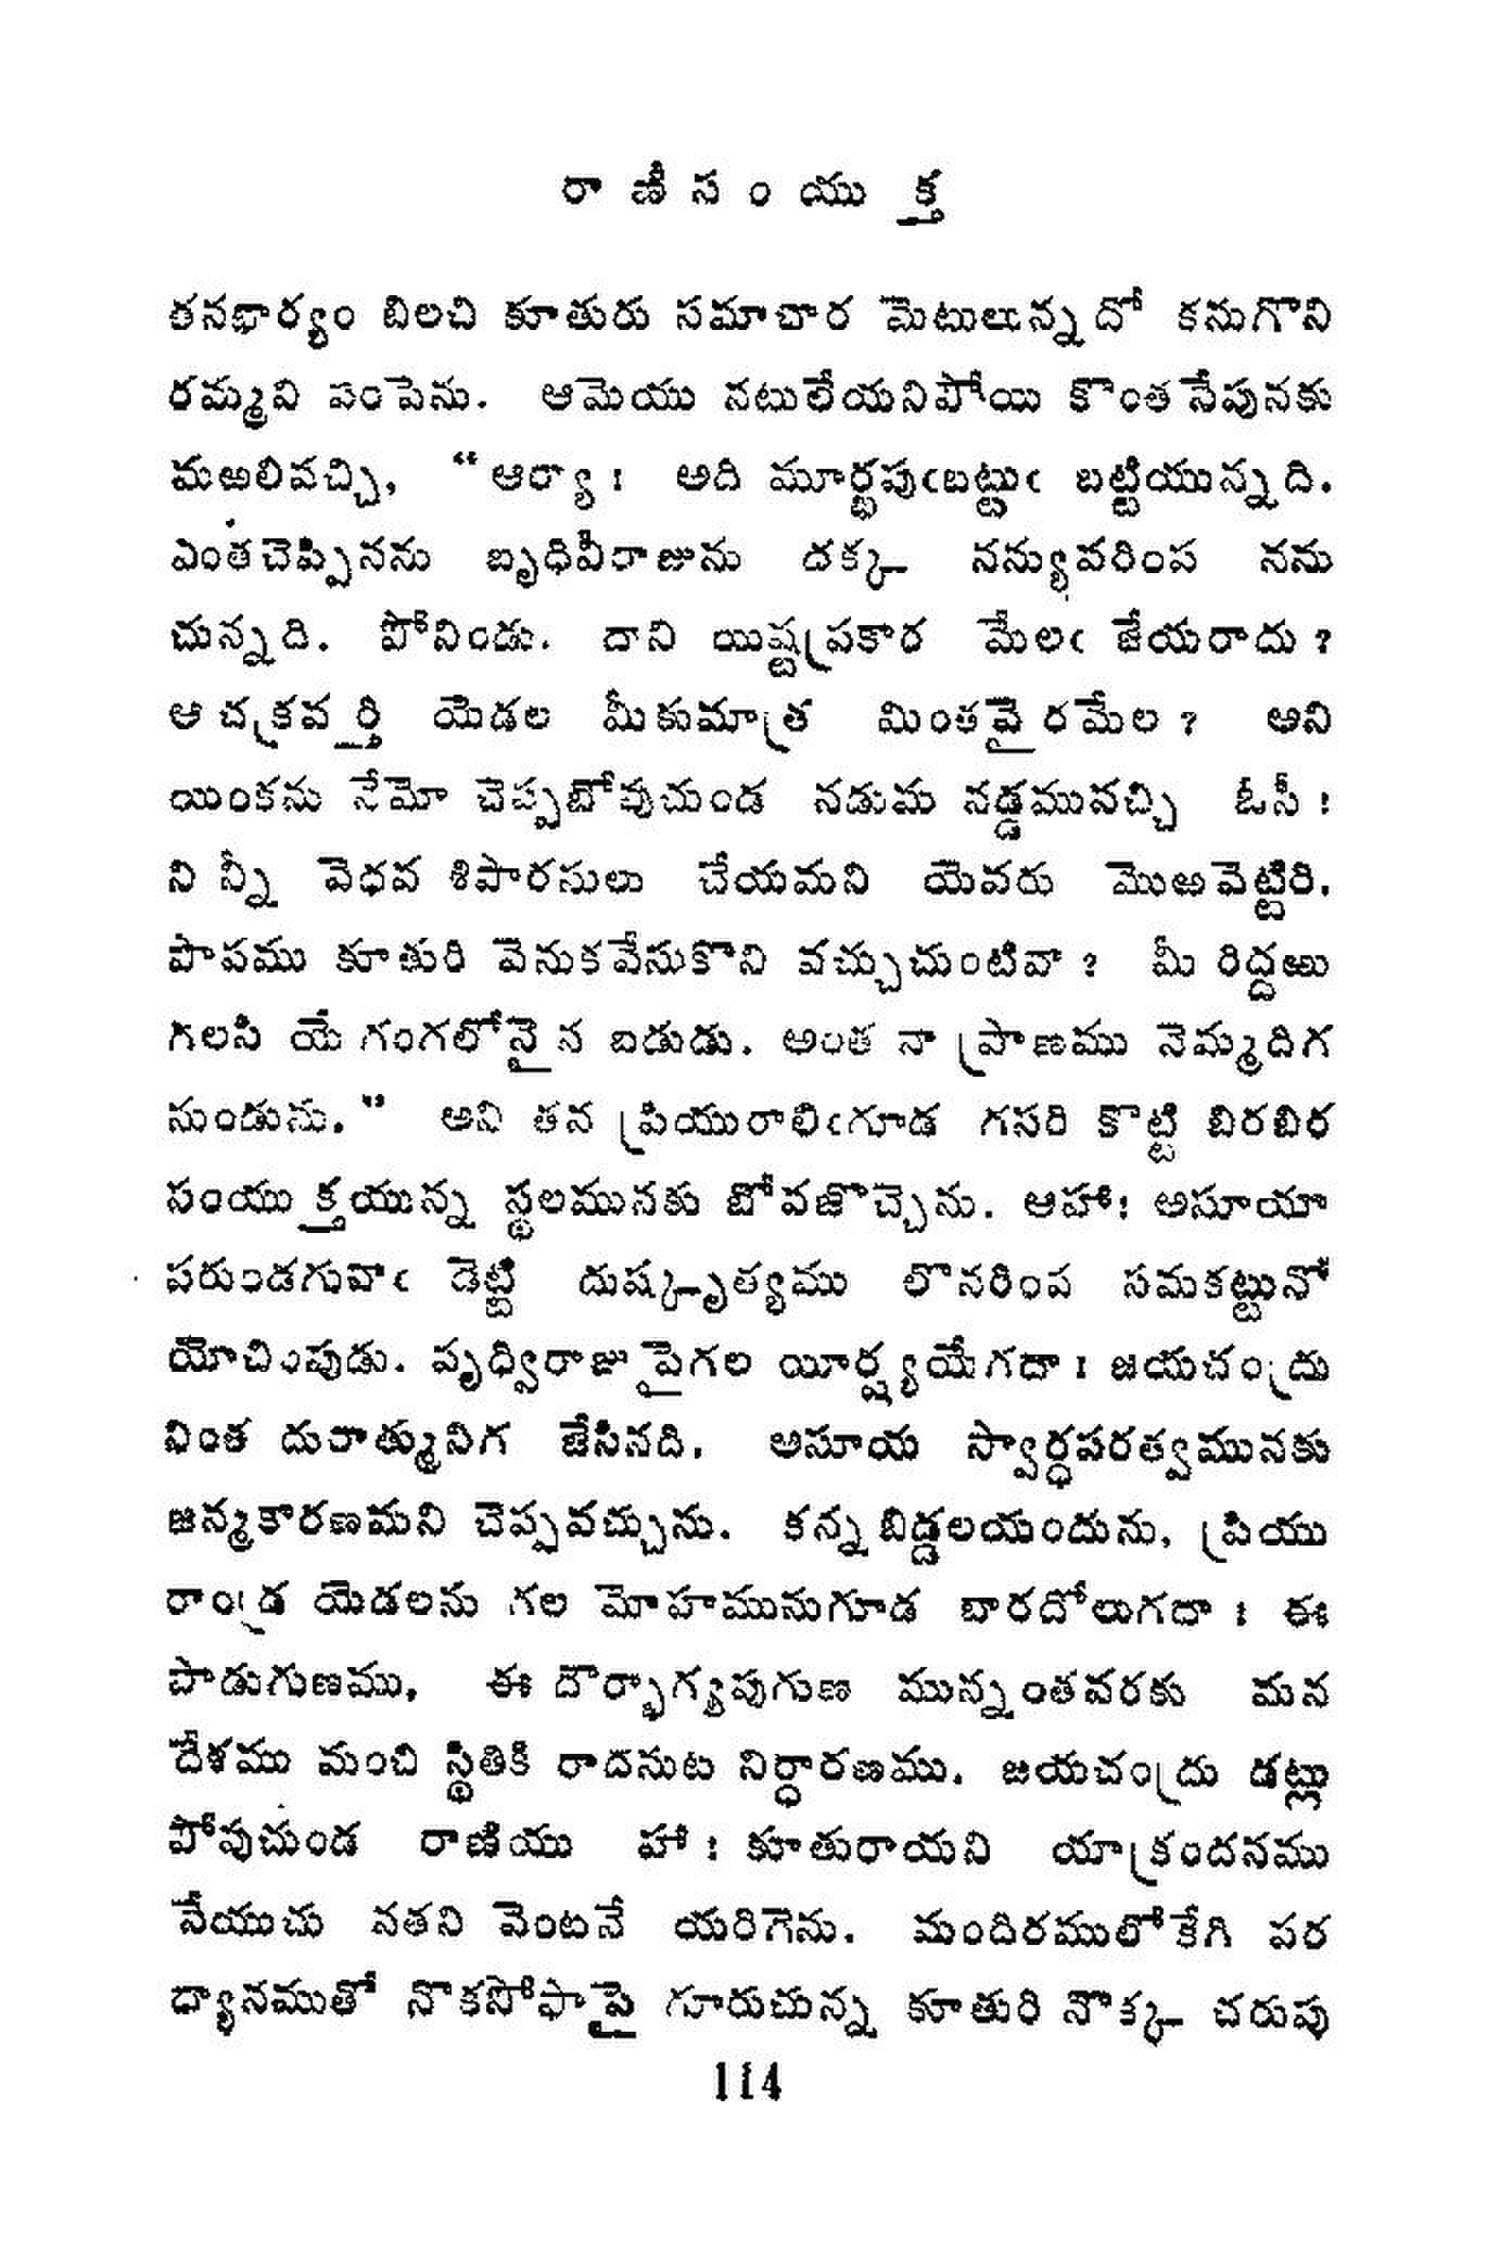తనభార్యం బిలచి కూతురు సమాచార మెటులున్నదో కనుగొని రమ్మవి పంపెను. ఆమెయు నటులేయనిపోయి కొంతసేపునకు మఱలివచ్చి, "ఆర్యా! అది మూర్ఖపుఁబట్టుఁ బట్టియున్నది. ఎంతచెప్పినను బృధివీరాజును దక్క నన్యువరింప ననుచున్నది. పోనిండు. దాని యిష్టప్రకార మేలఁ జేయరాదు? ఆ చక్రవర్తి యెడల మీకుమాత్ర మింతవైరమేల? అని యింకను నేమో చెప్పబోవుచుండ నడుమ నడ్డమునచ్చి ఓసీ ! నిన్నీ వెధవ శిపారసులు చేయమని యెవరు మొఱవెట్టిరి. పాపము కూతురి వెనుకవేసుకొని వచ్చుచుంటివా ! మీ రిద్దఱు గలసి యే గంగలోనైన దిగుడు. అంత నా ప్రాణము నెమ్మదిగ నుండును." అని తన ప్రియురాలిఁగూడ గసరి కొట్టి బిరబిర సంయుక్తయున్న స్థలమునకు బోవజొచ్చెను. ఆహా! అసూయా పరుండగువాఁ డెట్టి దుష్కృత్యము లొనరింప సమకట్టునో యోచి౦పుడు. పృధ్విరాజుపైగల యీర్ష్యయేగదా జయచంద్రు నింత దురాత్మునిగ జేసినది. అసూయ స్వార్ధపరత్వమునకు జన్మకారణమని చెప్పవచ్చును. కన్న బిడ్డలయందును, ప్రియురాండ్ర యెడలను గల మోహమునుగూడ బారదోలుగదా ! ఈ పాడుగుణము, ఈ దౌర్భాగ్యపుగుణ మున్నంతవరకు మనదేశము మంచి స్థితికి రాదనుట నిర్ధారణము. జయచంద్రు డట్లు పోపుచుండ రాణియు హా ! కూతురాయని యాక్రందనము
సేయుచు నతని వెంటనే యరిగెను. మందిరములోకేగి పరద్యానముతో నొకసోఫాపై గూరుచున్న కూతురి నొక్క చరుపు